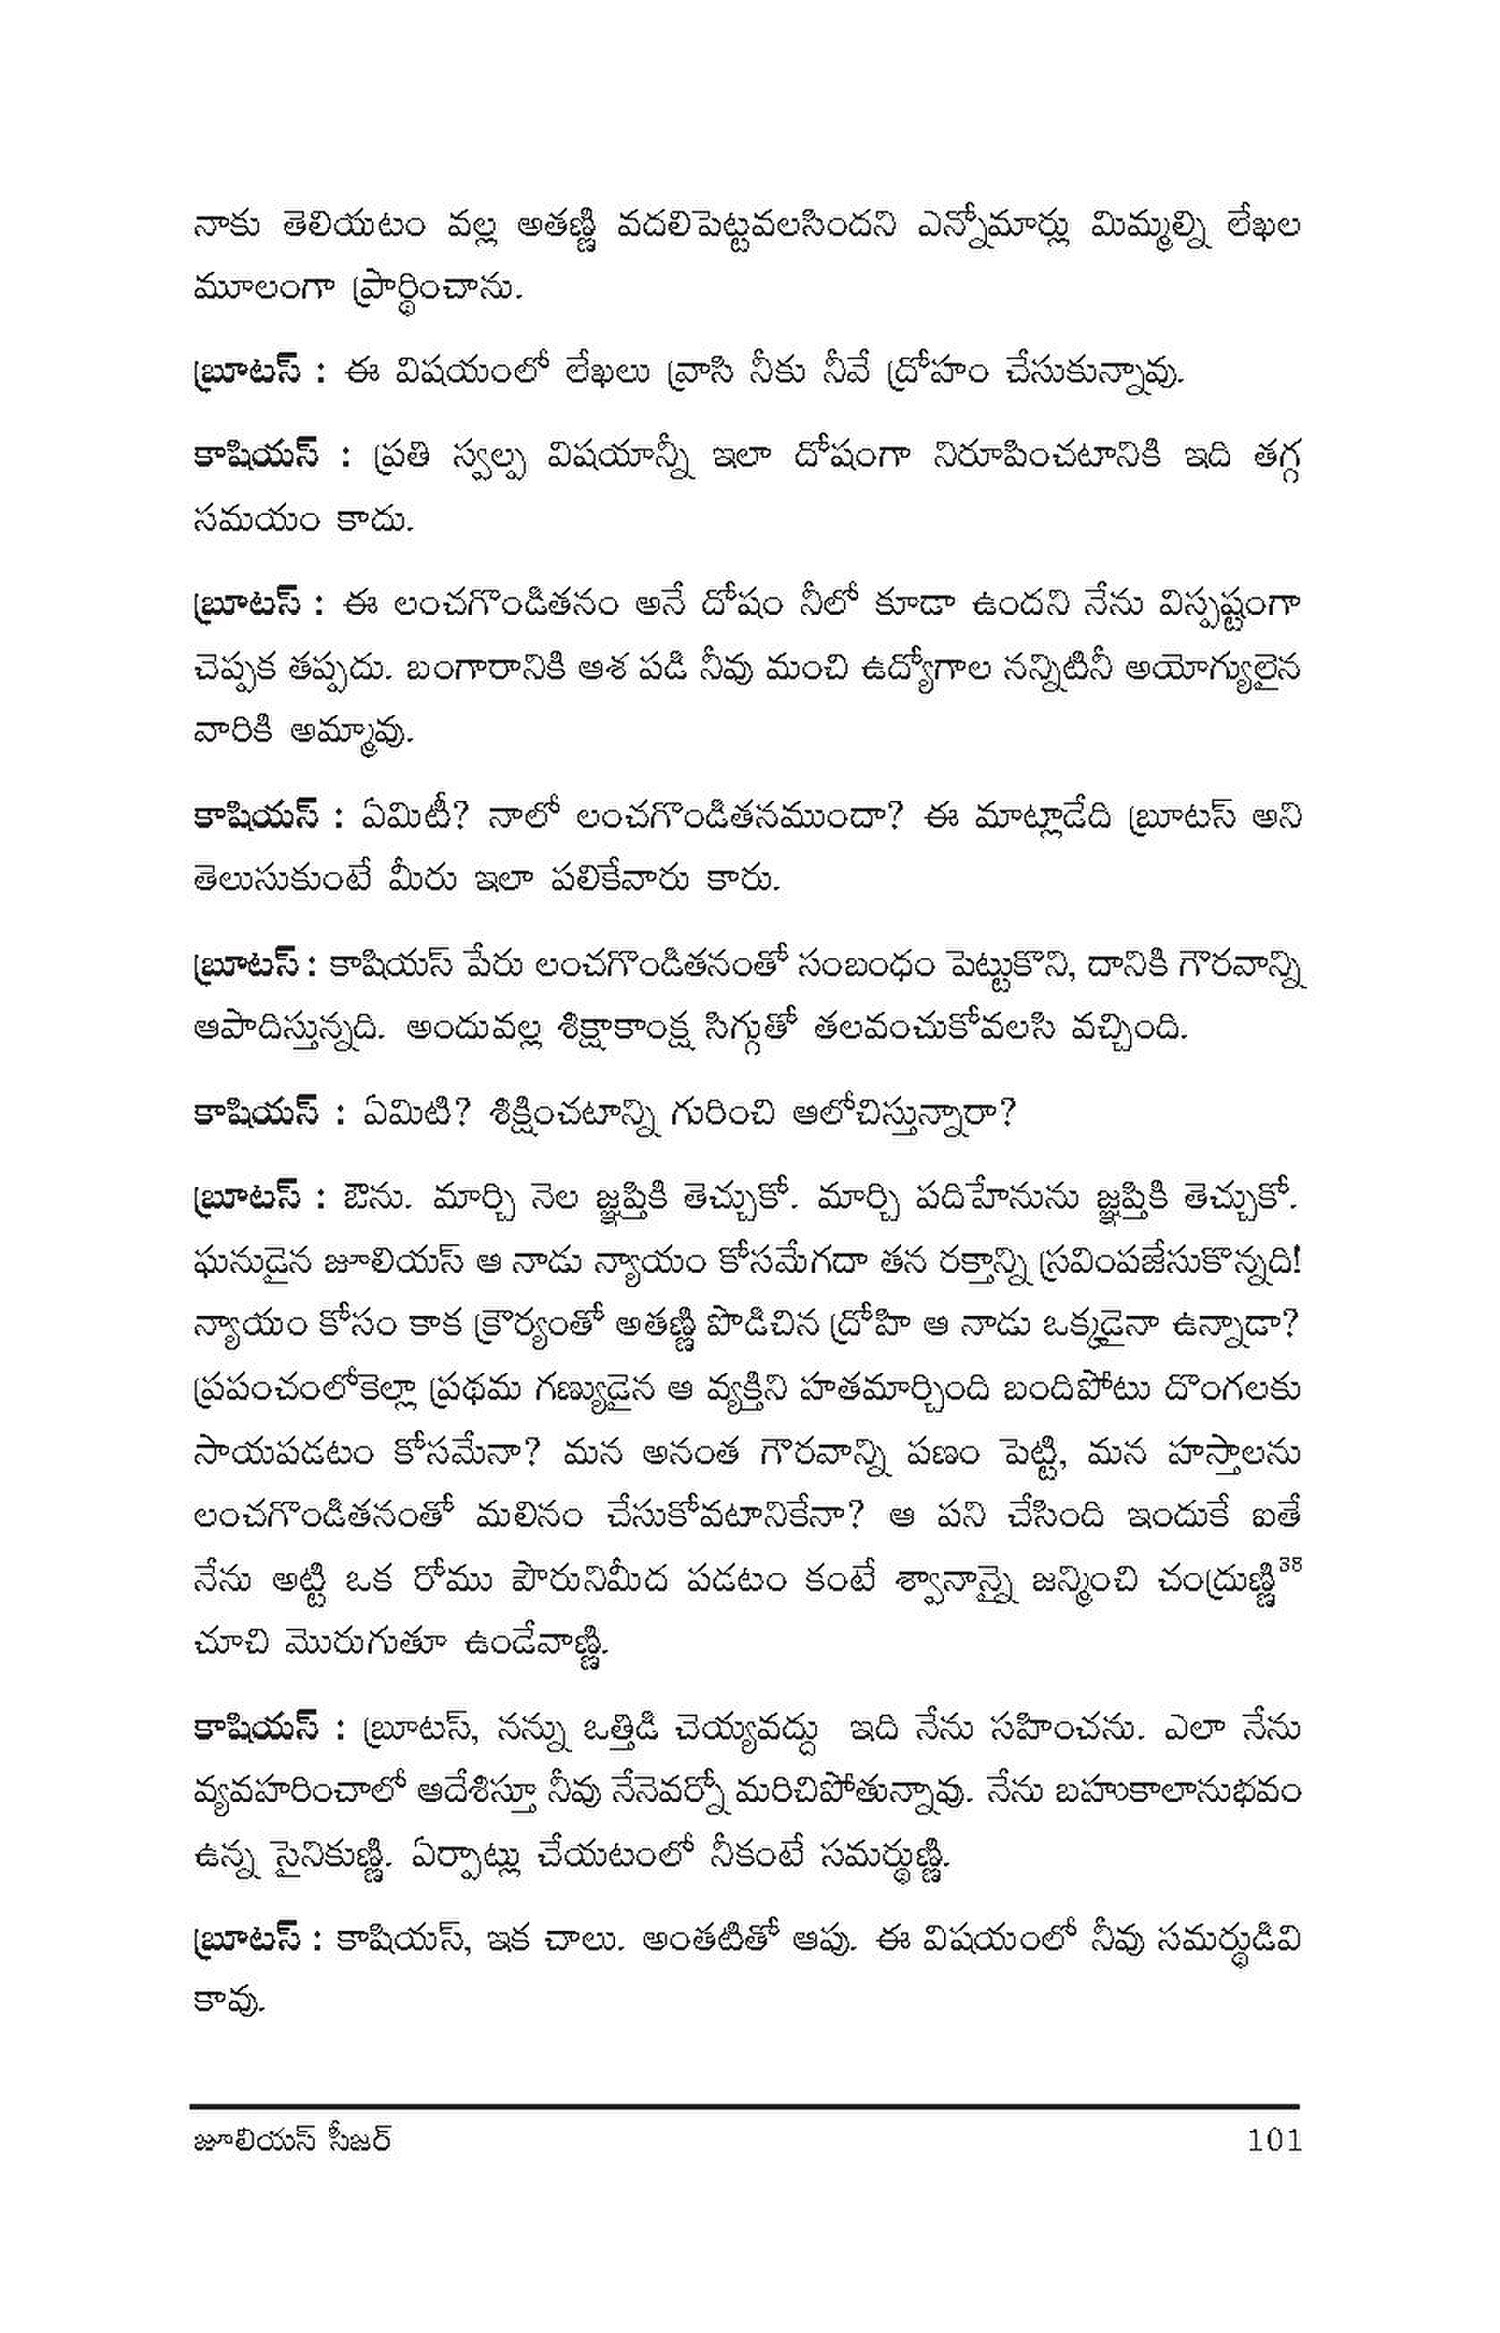నాకు తెలియటం వల్ల అతణ్ణి వదలిపెట్టవలసిందని ఎన్నోమార్లు మిమ్మల్ని లేఖల మూలంగా ప్రార్థించాను.

బ్రూటస్ : ఈ విషయంలో లేఖలు వ్రాసి నీకు నీవే ద్రోహం చేసుకున్నావు.

కాషియస్ : ప్రతి స్వల్ప విషయాన్నీ ఇలా దోషంగా నిరూపించటానికి ఇది తగ్గ సమయం కాదు.

బ్రూటస్ : ఈ లంచగొండితనం అనే దోషం నీలో కూడా ఉందని నేను విస్పష్టంగా చెప్పక తప్పదు. బంగారానికి ఆశ పడి నీవు మంచి ఉద్యోగాల నన్నిటినీ అయోగ్యులైన వారికి అమ్మావు.

కాషియస్ : ఏమిటీ? నాలో లంచగొండితనముందా? ఈ మాట్లాడేది బ్రూటస్ అని తెలుసుకుంటే మీరు ఇలా పలికేవారు కారు.

బ్రూటస్ : కాషియస్ పేరు లంచగొండితనంతో సంబంధం పెట్టుకొని, దానికి గౌరవాన్ని ఆపాదిస్తున్నది. అందువల్ల శిక్షాకాంక్ష సిగ్గుతో తలవంచుకోవలసి వచ్చింది.

కాషియస్ : ఏమిటి? శిక్షించటాన్ని గురించి ఆలోచిస్తున్నారా?

బ్రూటస్ : ఔను. మార్చి నెల జ్ఞప్తికి తెచ్చుకో. మార్చి పదిహేనును జ్ఞప్తికి తెచ్చుకో. ఘనుడైన జూలియస్ ఆ నాడు న్యాయం కోసమేగదా తన రక్తాన్ని స్రవింపజేసుకొన్నది! న్యాయం కోసం కాక క్రౌర్యంతో అతణ్ణి పొడిచిన ద్రోహి ఆ నాడు ఒక్కడైనా ఉన్నాడా? ప్రపంచంలోకెల్లా ప్రథమ గణ్యుడైన ఆ వ్యక్తిని హతమార్చింది బందిపోటు దొంగలకు సాయపడటం కోసమేనా? మన అనంత గౌరవాన్ని పణం పెట్టి, మన హస్తాలను లంచగొండితనంతో మలినం చేసుకోవటానికేనా? ఆ పని చేసింది ఇందుకే ఐతే నేను అట్టి ఒక రోము పౌరునిమీద పడటం కంటే శ్వానాన్నై జన్మించి చంద్రుణ్ణి38 చూచి మొరుగుతూ ఉండేవాణ్ణి.

కాషియస్ : బ్రూటస్, నన్ను ఒత్తిడి చెయ్యవద్దు ఇది నేను సహించను. ఎలా నేను వ్యవహరించాలో ఆదేశిస్తూ నీవు నేనెవర్నో మరిచిపోతున్నావు. నేను బహుకాలానుభవం ఉన్న సైనికుణ్ణి. ఏర్పాట్లు చేయటంలో నీకంటే సమర్థుణ్ణి.

బ్రూటస్ : కాషియస్, ఇక చాలు. అంతటితో ఆపు. ఈ విషయంలో నీవు సమర్థుడివి కావు.